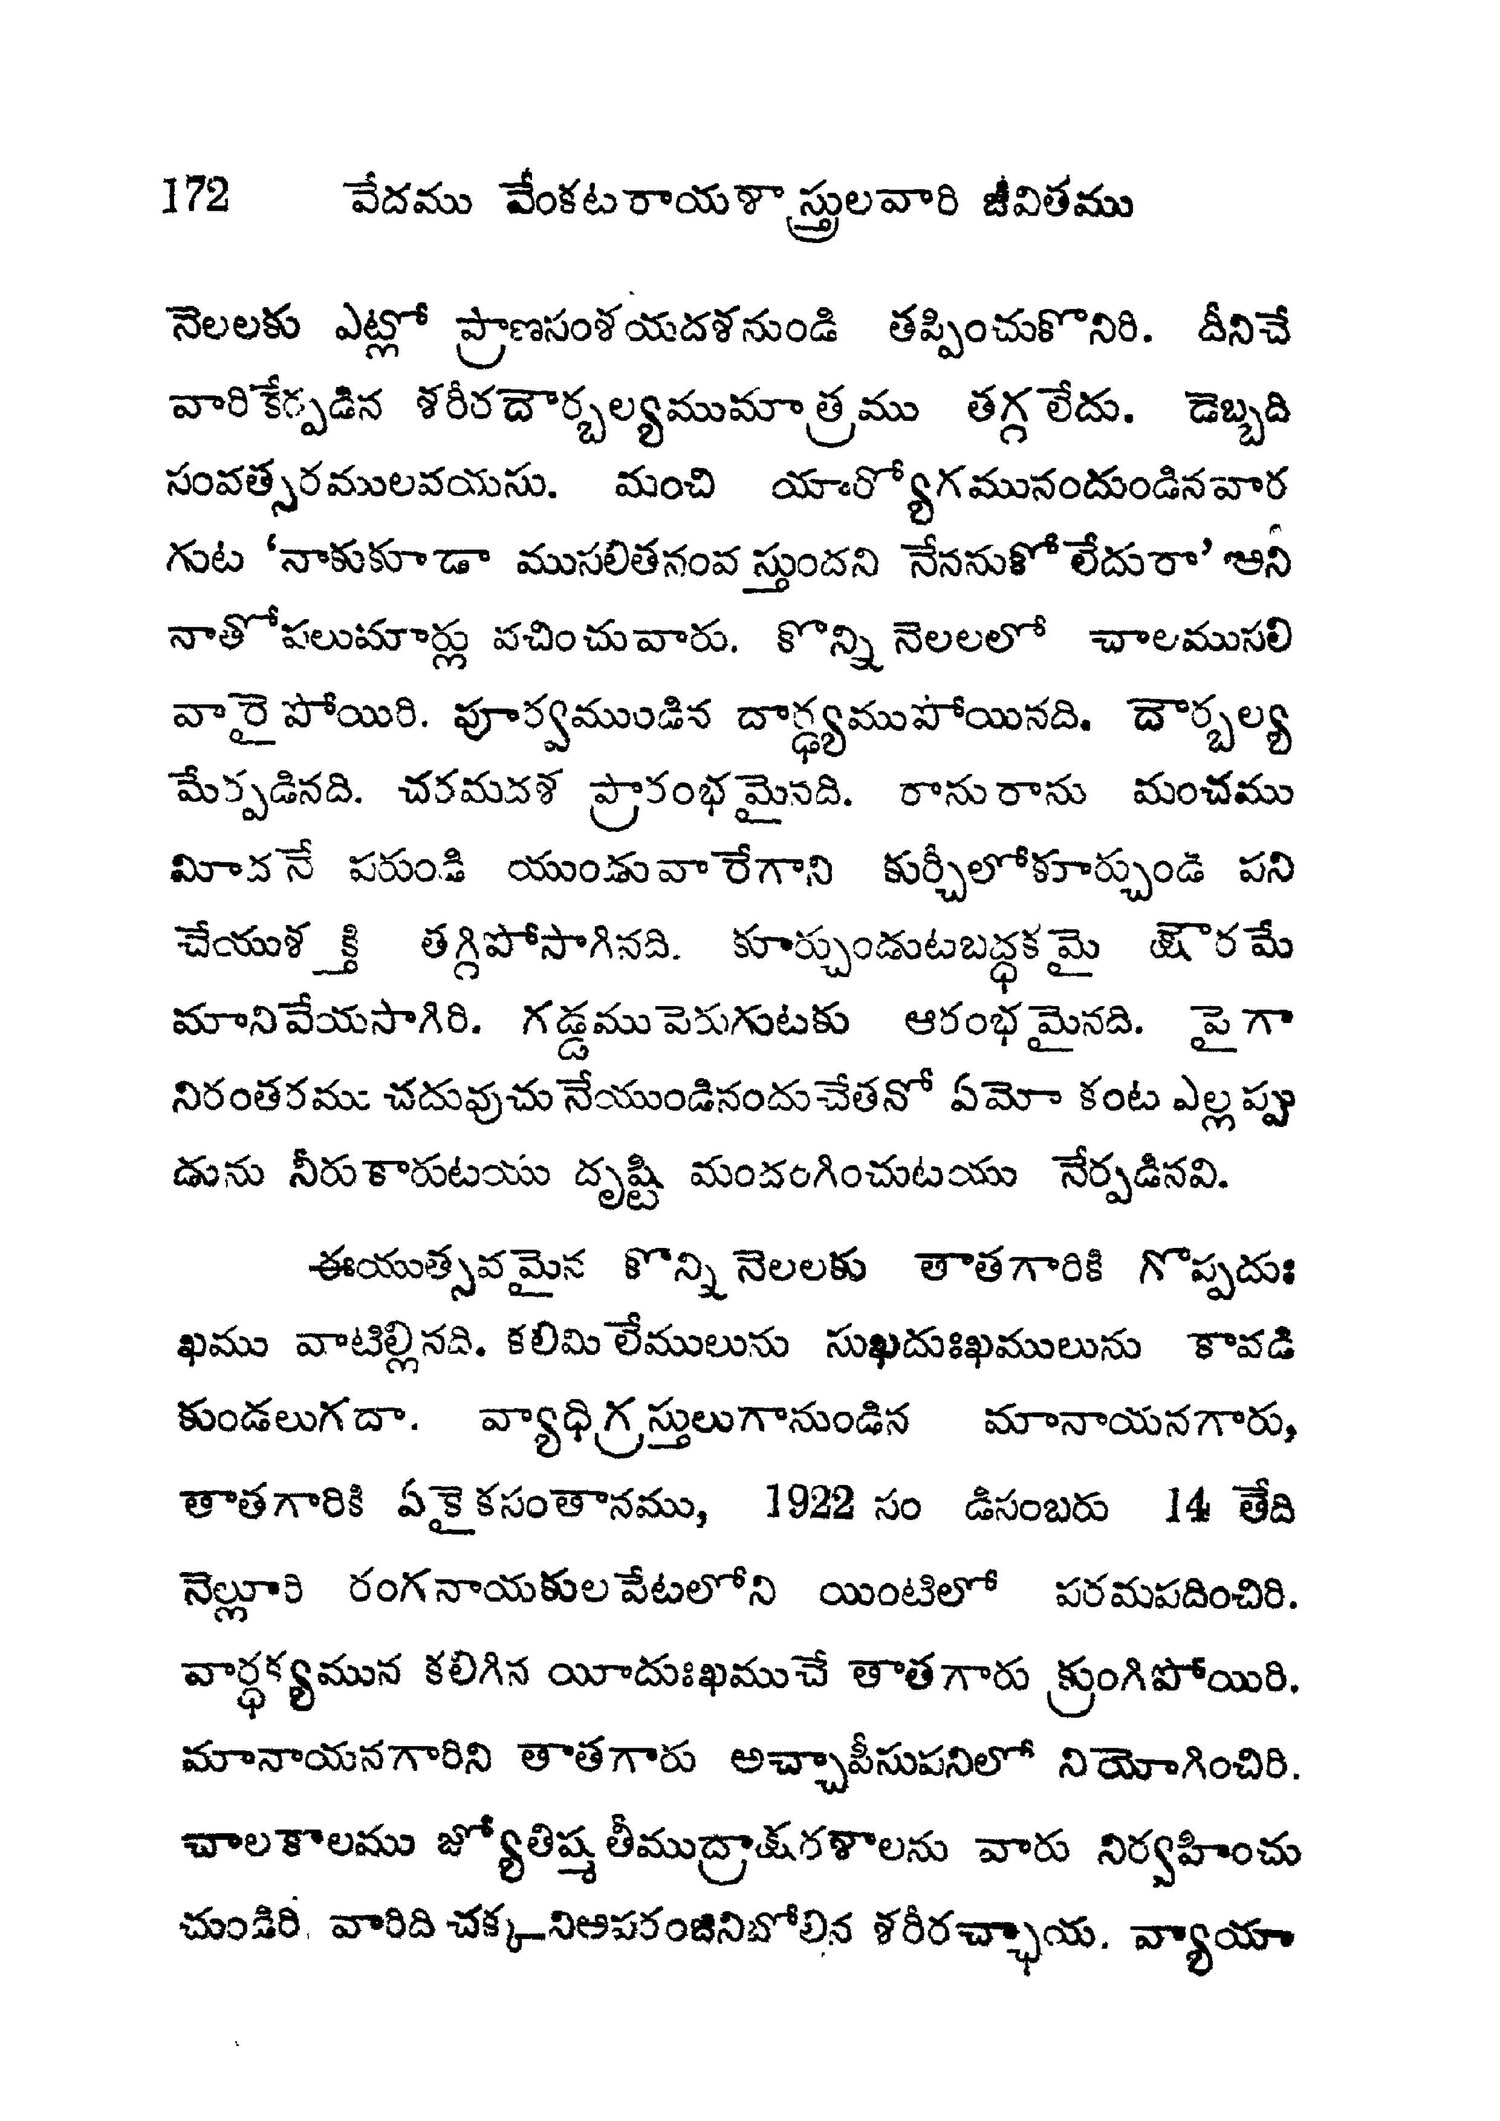నెలలకు ఎట్లో ప్రాణసంశయదశనుండి తప్పించుకొనిరి. దీనిచే వారికేర్పడిన శరీరదౌర్బల్యము మాత్రము తగ్గలేదు. డెబ్బది సంవత్సరములవయసు. మంచి యారోగ్యమునందుండినవారగుట 'నాకుకూడా ముసలితనం వస్తుందని నేననుకోలేదురా' అని నాతోపలుమార్లు వచించువారు కొన్నినెలలలో చాల ముసలివారైపోయిరి. పూర్వముండిన దార్డ్యముపోయినది. దౌర్బల్యమేర్పడినది. చరమదశ ప్రారంభమైనది. రానురాను మంచము మీదనే పరుండి యుండువారే గాని కుర్చీలోకూర్చుండి పనిచేయుశక్తి తగ్గిపోసాగినది. కూర్చుండుట బద్ధకమై క్షౌరమే మానివేయసాగిరి. గడ్డము పెరుగుటకు ఆరంభమైనది. పైగా నిరంతరము చదువుచునేయుండినందు చేతనో ఏమో కంట ఎల్లప్పుడును నీరు కారుటయు దృష్టి మందగించుటయు నేర్పడినవి.

ఈయుత్సవమైన కొన్ని నెలలకు తాతగారికి గొప్పదు:ఖము వాటిల్లినది. కలిమి లేములును సుఖదు:ఖములును కావడి కుండలుగగా. వ్యాధిగ్రస్తులుగా నుండిన మానాయనగారు, తాతగారికి ఏకైకసంతానము, 1922 సం డిసంబరు 14 తేది నెల్లూరి రంగనాయకులపేటలోని యింటిలో పరమపదించిరి. వార్థక్యమున కలిగిన యీదు:ఖముచే తాతగారు క్రుంగిపోయిరి. మానాయన గారిని తాతగారు అచ్చాపీసుపనిలో నియోగించిరి. చాలకాలము జ్యోతిష్మతీ ముద్రాక్షరశాలను వారు నిర్వహించుచుండిరి. వారిది చక్కని అపరంజిని బోలిన శరీరచ్ఛాయ. వ్యాయా